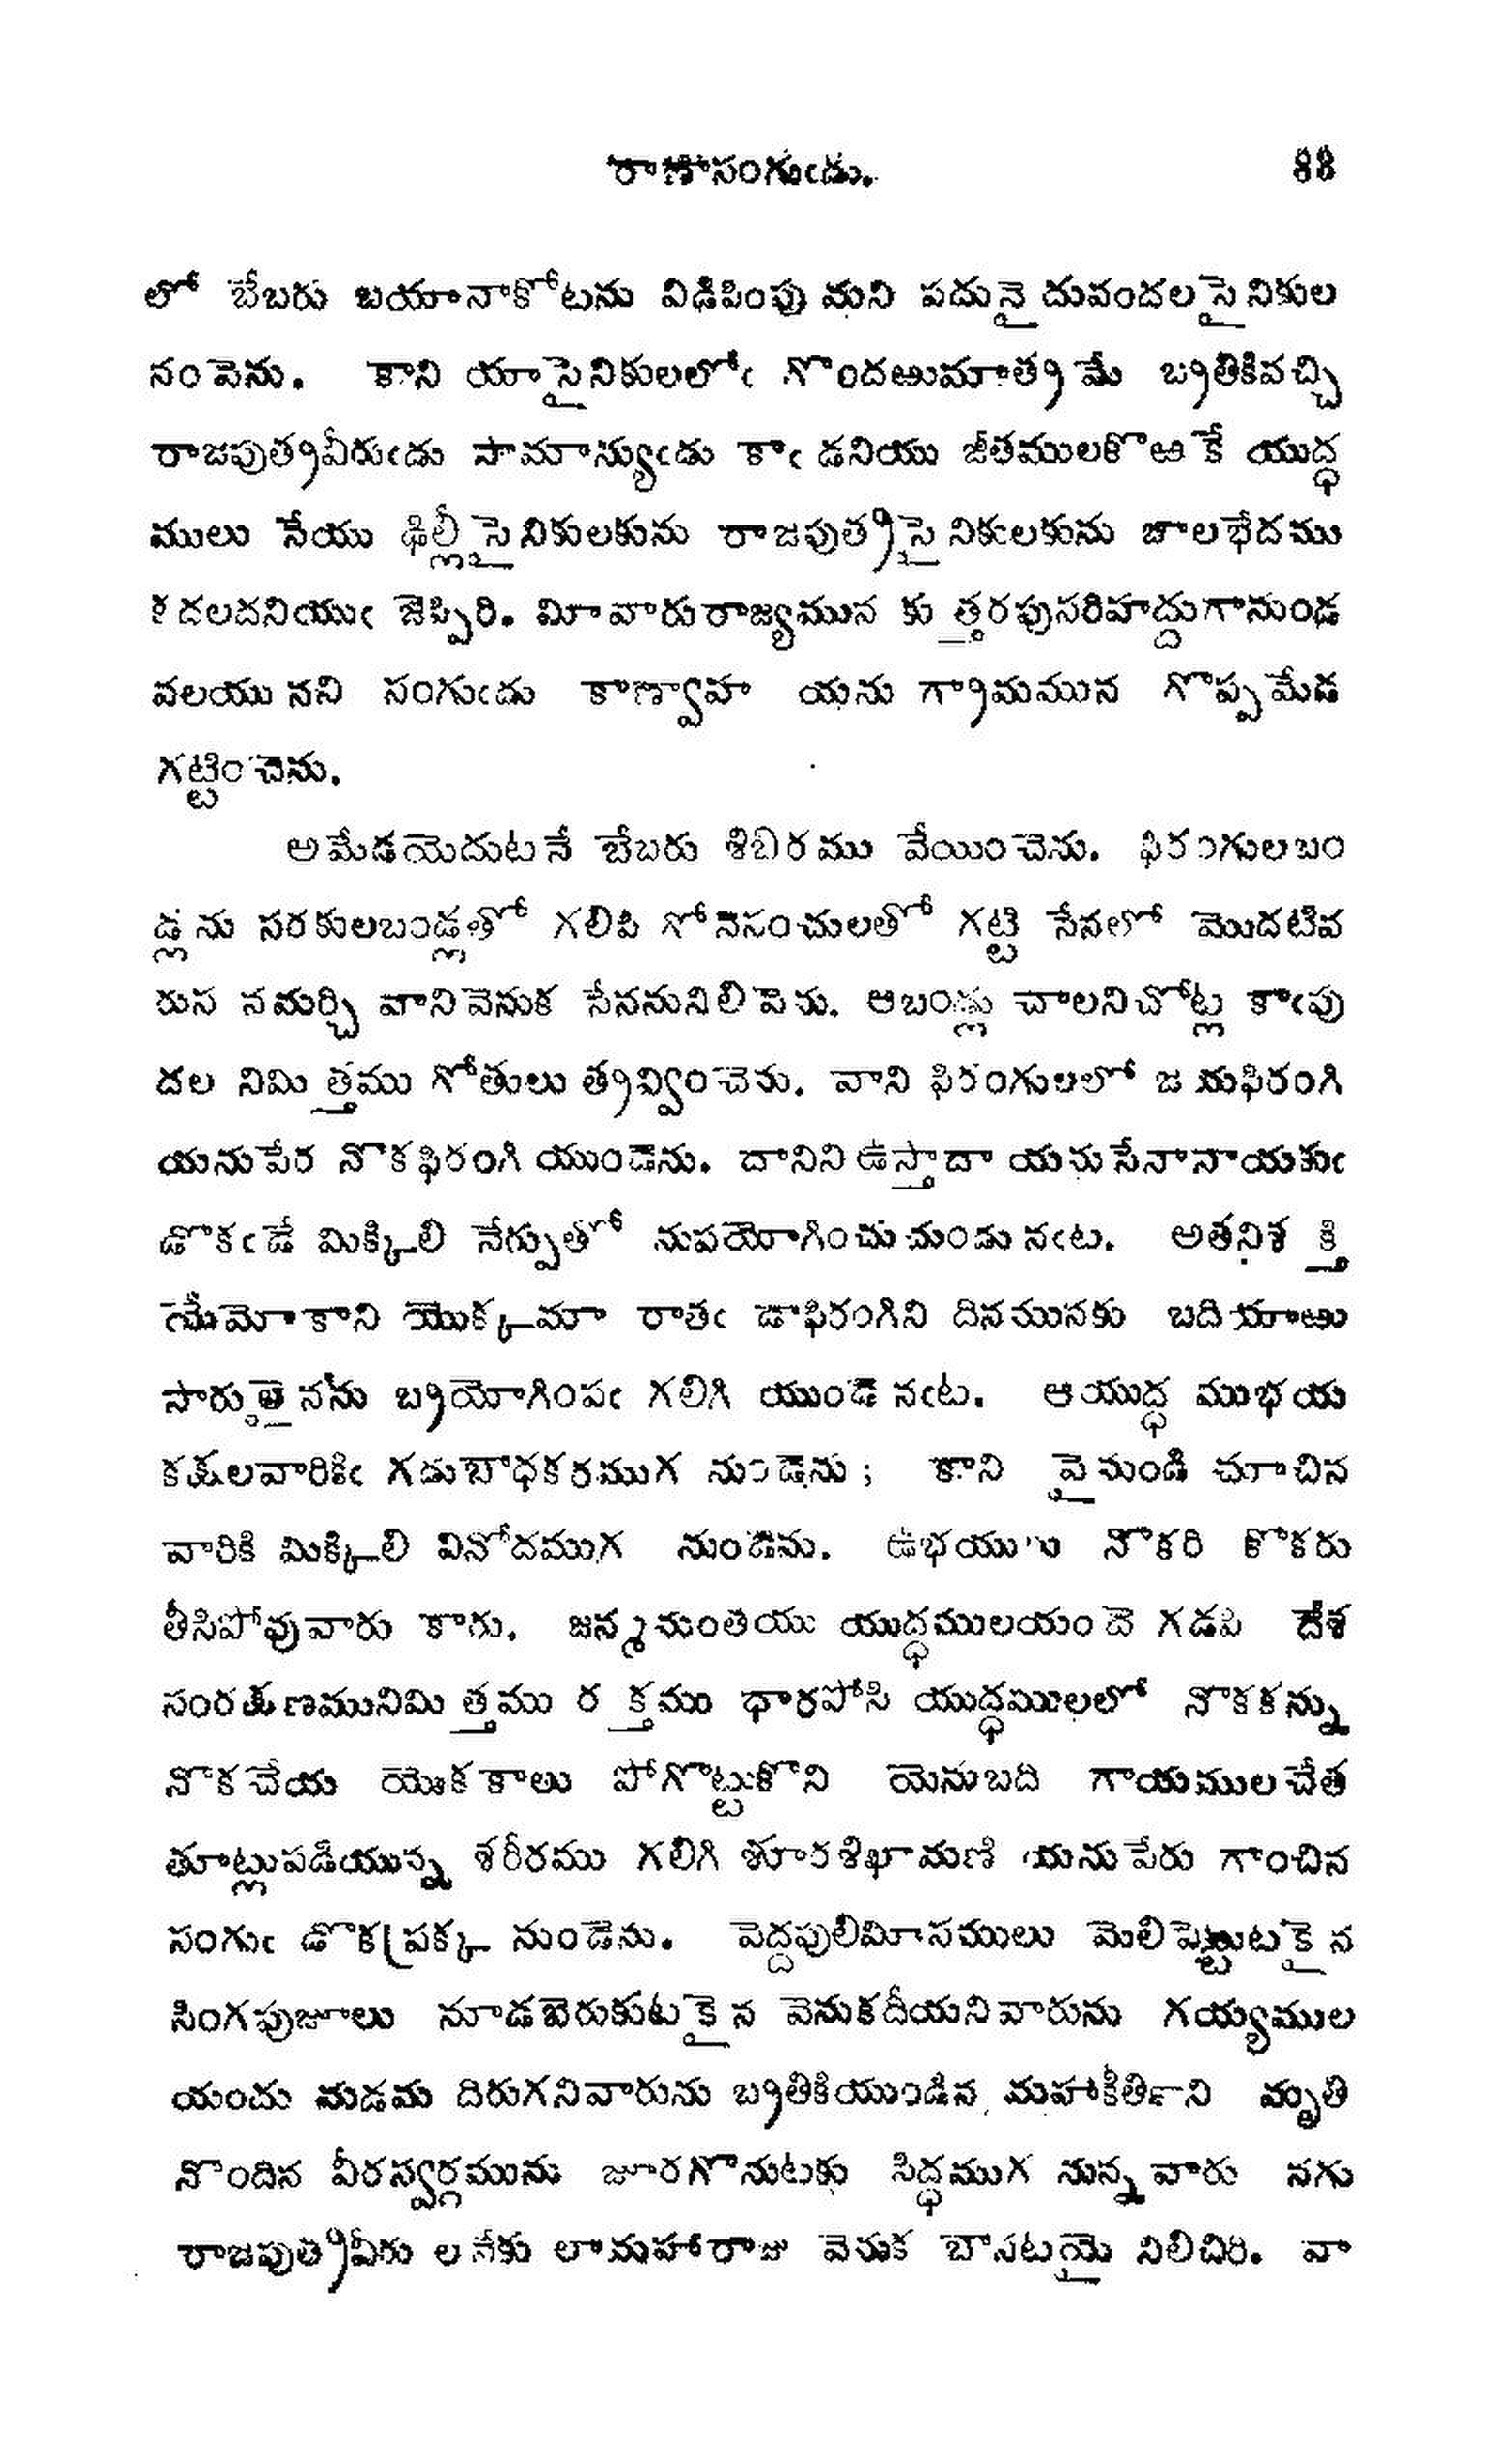లో బేబరు బయానాకోటను విడిపింపుమని పదునై దువందల సైనికుల నంపెను. కాని యా సైనికులలోఁ గొందఱుమాత్రమే బతికివచ్చి
రాజపుత్ర వీరుఁడు సామాన్యుఁడు కాఁ డనియు జీతములకోఱకే యుద్ధములు నేయు ఢిల్లీ సైనికులకును రాజపుత్ర సైనికులకును జాలభేదము కదలదనియుఁ జెప్పిరి. మీవారు రాజ్యమున కుత్తరఫుసరిహద్దు గానుండ వలయునని సంగుఁడు కాణ్వాహ యను గ్రామమున గొప్ప మేడ గట్టించెను.

అమేడ యెదుటనే బేబరు శిబిరము వేయించెను. ఫిరంగుల బండ్లను సరకులబండ్లతో గలిపి గోనెసంచులతో గట్టి సేనలో మొదటివరుస నమర్చి వాని వెనుక సేనను నిలిపెను. ఆ బండ్లు చాలనిచోట్ల కాఁపుదల నిమిత్తము గోతులు త్రవ్వించెను. వాని ఫిరంగులలో జయఫిరంగి
యను పేరనొక ఫిరంగి యుండెను. దానిని ఉస్తాదా యను సేనానాయకుఁ డొకఁడే మిక్కిలి నేర్పుతో నుపయోగించు చుండునఁట. అతనిశక్తి
యేమోకాని యొక్కమా రాతఁ డాఫిరంగిని దినమునకు బదియాఱు సారులైనను బ్రయోగింపఁ గలిగి యుండెనఁట. ఆ యుద్ధ ముభయ
కక్షులవారికిఁ గడు బాధకరముగ నుండెను; కాని పై నుండి చూచిన వారికి మిక్కిలి వినోదముగ నుండెను. ఉభయులు నోకరి కొకరు
తీసిపోవువారు కారు. జన్మమంతయు యుద్ధములయందె గడపి దేశ సంరక్షణము నిమిత్తము రక్తము ధారపోసి యుద్ధములలో నొకకన్ను
నొకచేయ యొకకాలు పోగొట్టుకొని యెనుబది గాయముల చేత తూట్లుపడియున్న శరీరము గలిగి శూరశిఖామణి యను పేరు గాంచిన
సంగుఁ డొకప్రక్క నుండెను. పెద్దపులిమీసములు మెలి పెట్టుటకైన సింగపుజూలు నూడబెరుకుటకైన వెనుకదీయని వారును గయ్యముల
యందు మడమ దిరుగనివారును బ్రతికియుండిన మహాకీతి౯ని మృతి నొందిన వీరస్వర్గమును జూరగొనుటకు సిద్ధముగ నున్నవారు నగు
రాజపుత్ర వీరులనేకు లామహా రాజు వెనుక బాసటయై నిలిచిరి. వా